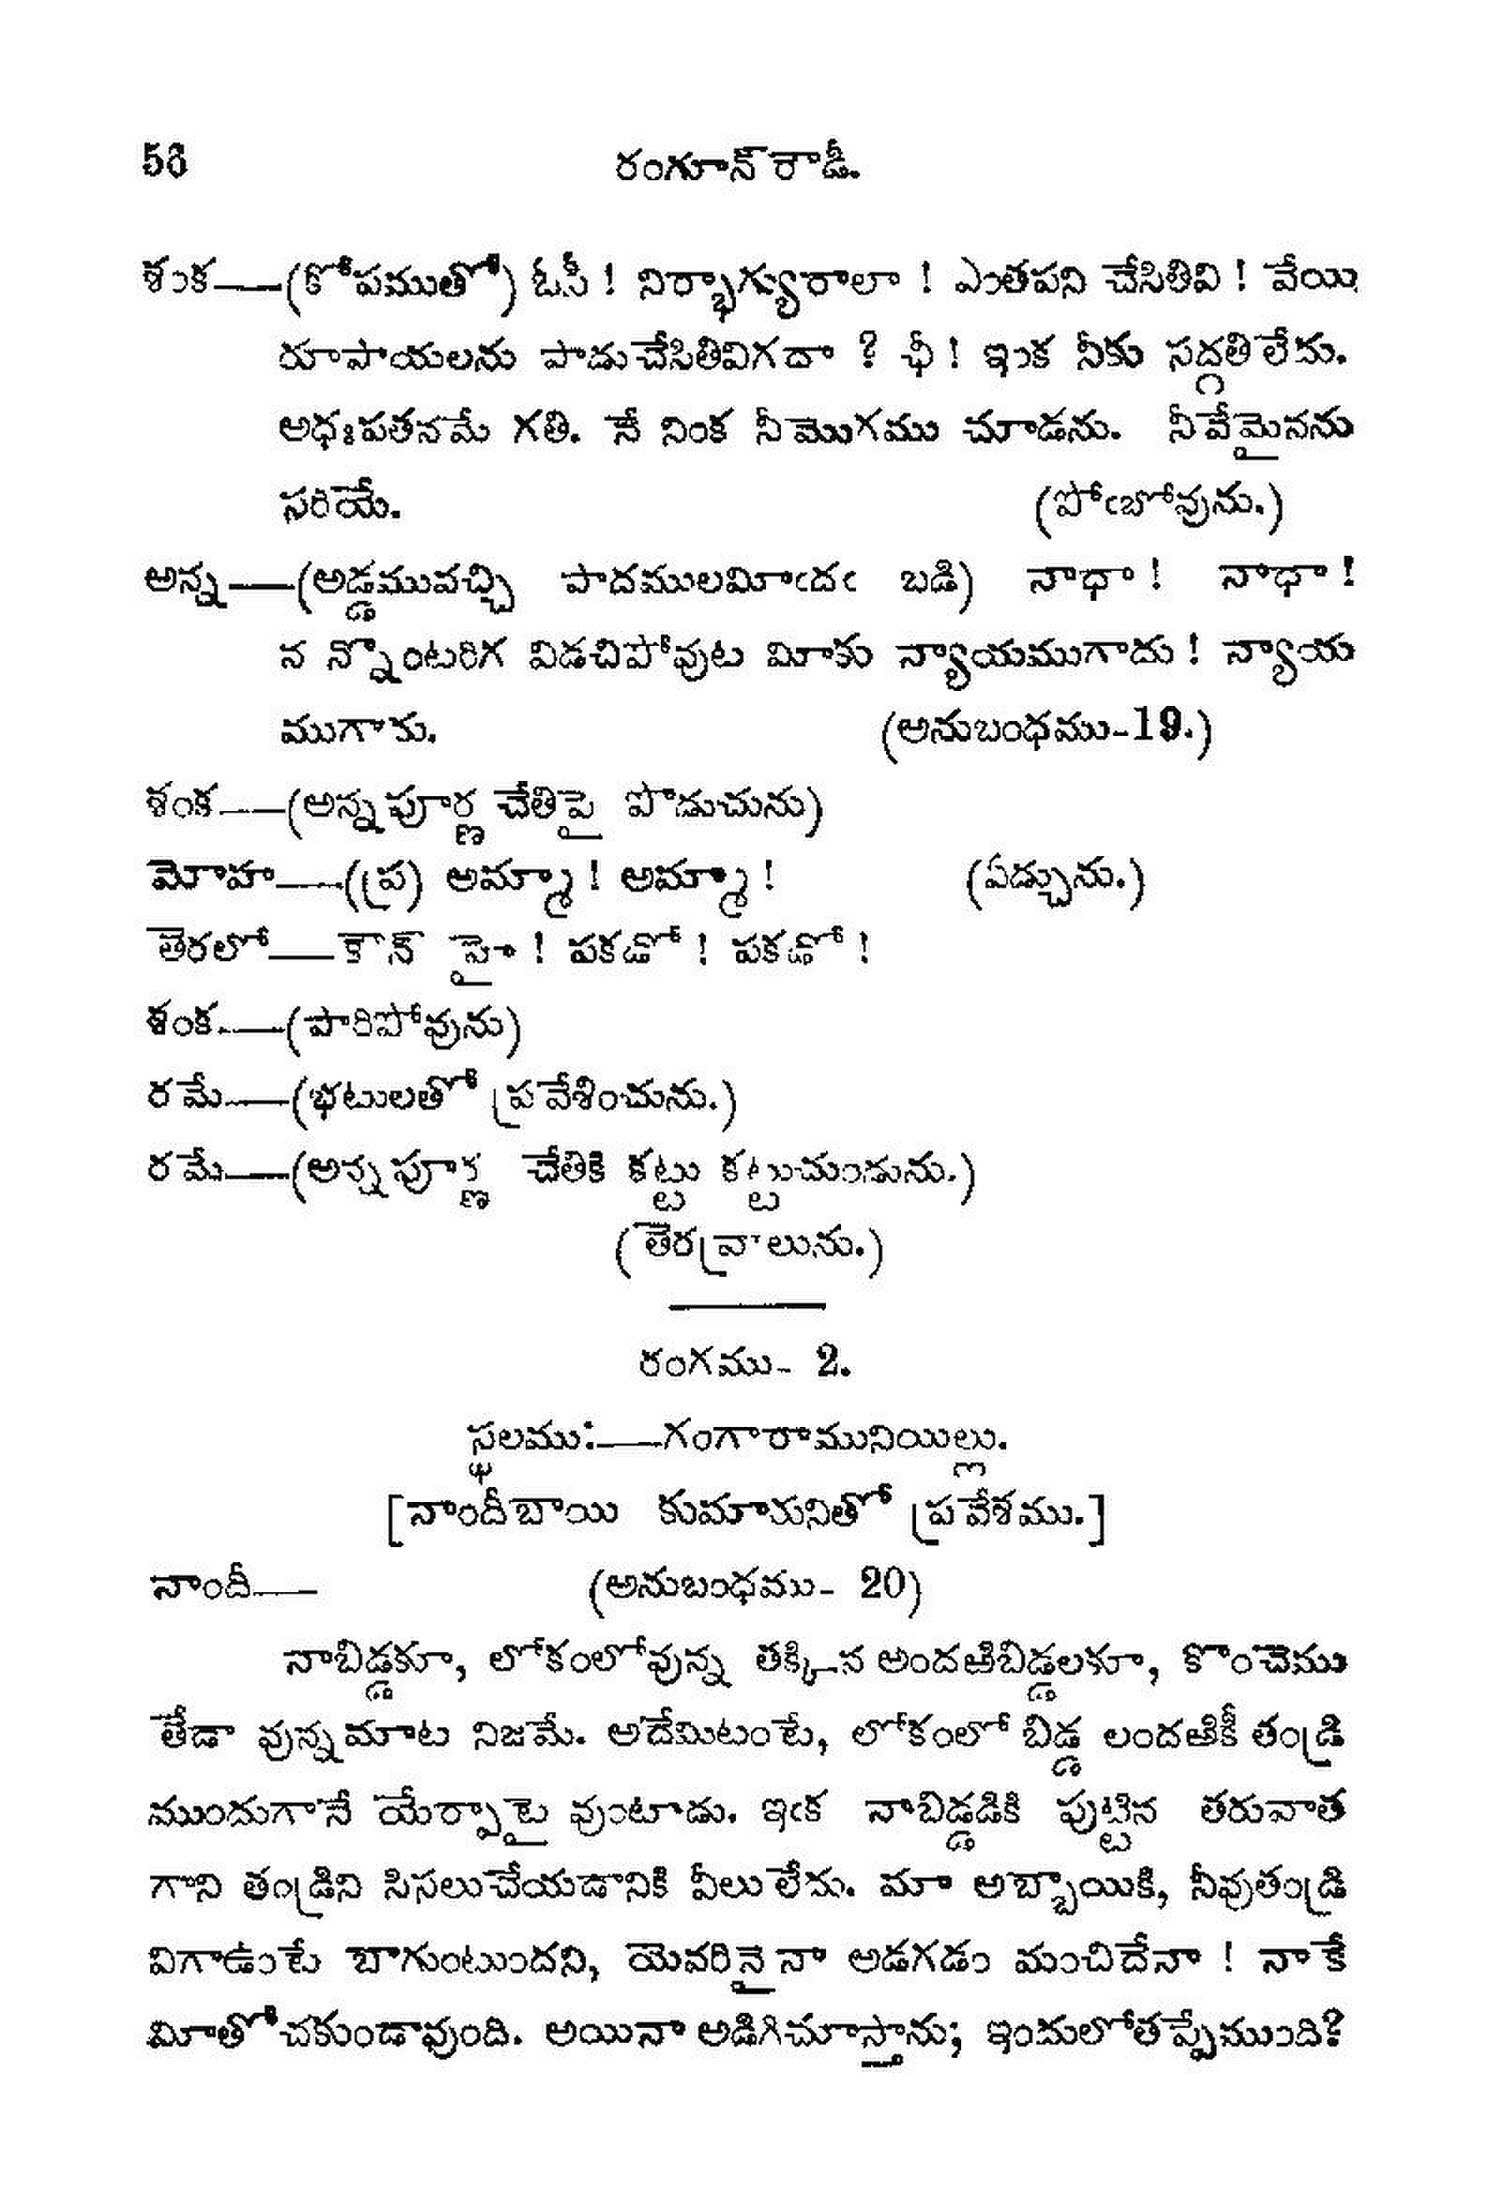శంక — (కోపముతో) ఓసీ ! నిర్భాగ్యురాలా ! ఎంతపని చేసితివి ! వేయి రూపాయలను పాడుచేసితివిగదా ? ఛీ ! ఇంక నీకు సద్గతిలేదు. అధఃపతనమే గతి. నే నింక నీమొగము చూడను. నీవేమైననుసరియే.

అన్న — (అడ్డమువచ్చి పాదములమీఁదఁ బడి) నాధా ! నాధా! న న్నొంటరిగ విడచిపోవుట మీకు న్యాయముగాదు ! న్యాయముగాదు.

శంక -- (అన్నపూర్ణచేతిపై పొడుచును)

మోహ -- ( ప్ర ) అమ్మా ! అమ్మా ! (ఏడ్చును.)

తెరలో - కౌన్ హై! పకడో ! పకడో !

శంక - (పారిపోవును)

రమే - (భటులతో ప్రవేశించును.)

రమే - (అన్నపూర్ణ చేతికి కట్టు కట్టుచుండును.)

నాందీ -

నాబిడ్డకూ, లోకంలోవున్న తక్కిన అందఱిబిడ్డలకూ, కొంచెము తేడా వున్నమాట నిజమే. అదేమిటంటే, లోకంలో బిడ్డ లందఱికీ తండ్రి ముందుగానే యేర్పాటై వుంటాడు. ఇఁక నాబిడ్డడికి పుట్టిన తరువాతగాని తండ్రిని సిసలుచేయడానికి వీలులేదు. మా అబ్బాయికి, నీవుతండ్రివిగాఉంటే బాగుంటుందని, యెవరినైనా అడగడం మంచిదేనా ! నాకేమీతోచకుండా వుంది. అయినా అడిగిచూస్తాను; ఇందులో తప్పేముంది?